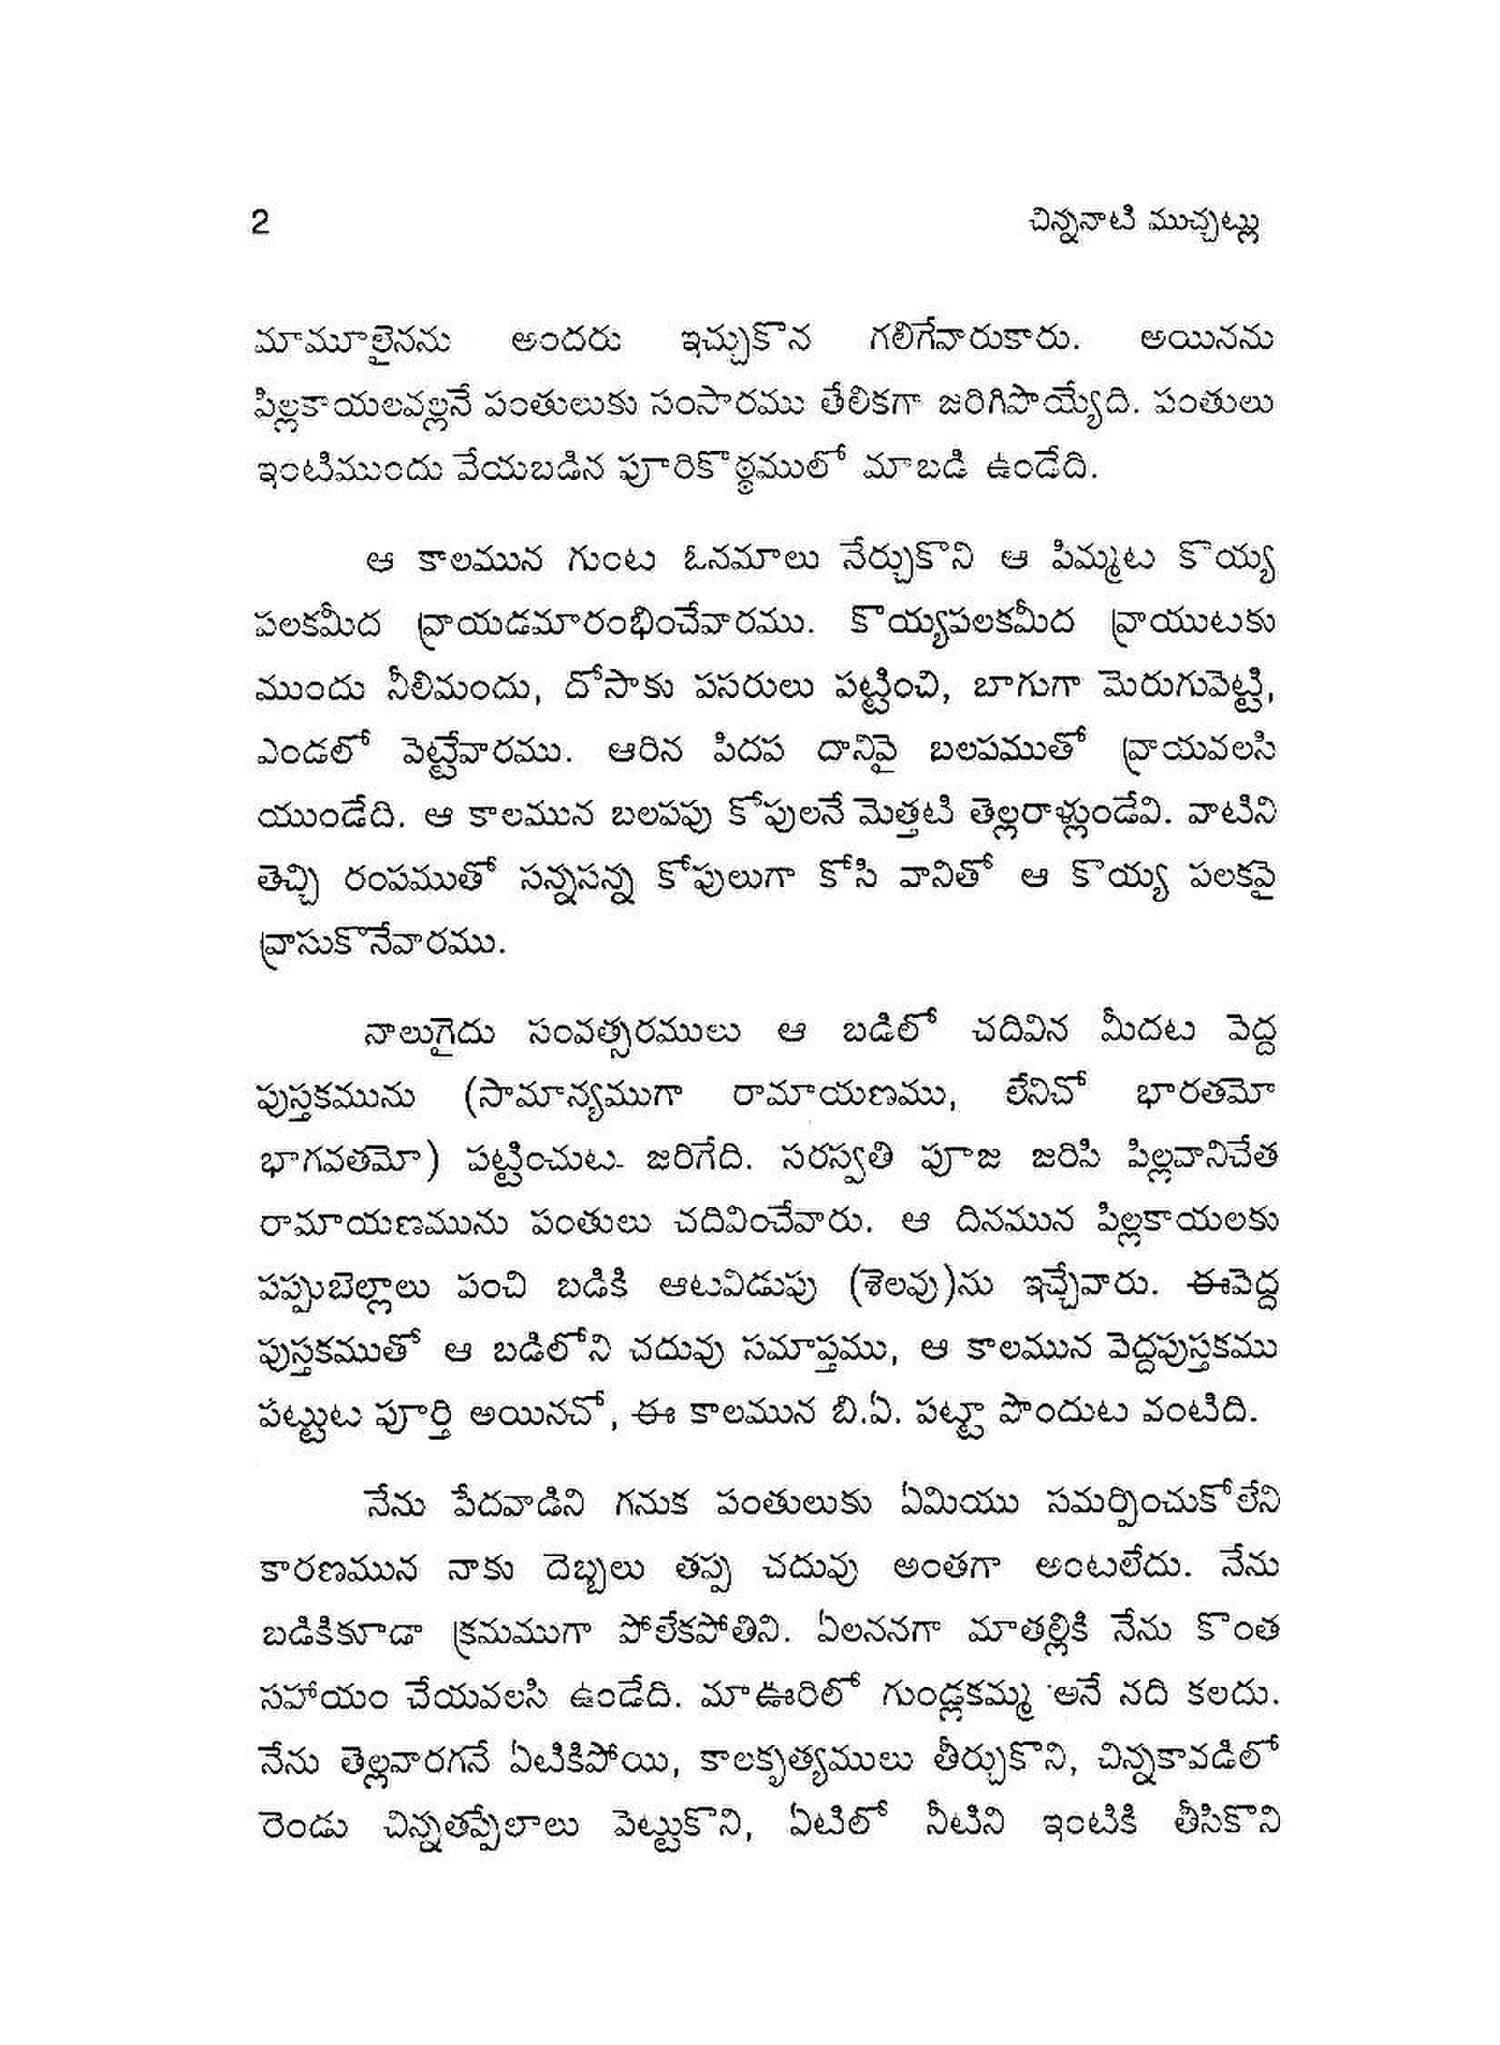మామూలైనను అందరు ఇచ్చుకొన గలిగేవారుకారు. అయినను పిల్లకాయలవల్లనే పంతులుకు సంసారము తేలికగా జరిగిపొయ్యేది. పంతులు ఇంటిముందు వేయబడిన పూరికొట్టములో మాబడి ఉండేది.

ఆ కాలమున గుంట ఓనమాలు నేర్చుకొని ఆ పిమ్మట కొయ్య పలకమీద వ్రాయడమారంభించేవారము. కొయ్యపలకమీద వ్రాయుటకు ముందు నీలిమందు, దోసాకు పసరులు పట్టించి, బాగుగా మెరుగుపెట్టి, ఎండలో పెట్టేవారము. ఆరిన పిదప దానిపై బలపముతో వ్రాయవలసి యుండేది. ఆ కాలమున బలపపు కోపులనే మెత్తటి తెల్లరాళ్లుండేవి. వాటిని తెచ్చి రంపముతో సన్నసన్న కోపులుగా కోసి వానితో ఆ కొయ్య పలకపై వ్రాసుకొనేవారము.

నాలుగైదు సంవత్సరములు ఆ బడిలో చదివిన మీదట పెద్ద పుస్తకమును (సామాన్యముగా రామాయణము, లేనిచో భారతమో భాగవతమో) పట్టించుట జరిగేది. సరస్వతి పూజ జరిపి పిల్లవానిచేత రామాయణమును పంతులు చదివించేవారు. ఆ దినమున పిల్లకాయలకు పప్పుబెల్లాలు పంచి బడికి ఆటవిడుపు (శెలవు)ను ఇచ్చేవారు. ఈపెద్ద పుస్తకముతో ఆ బడిలోని చదువు సమాప్తము. ఆ కాలమున పెద్దపుస్తకము పట్టుట పూర్తి అయినచో, ఈ కాలమున బి.ఏ. పట్టా పొందుట వంటిది.

నేను పేదవాడిని గనుక పంతులుకు ఏమియు సమర్పించుకోలేని కారణమున నాకు దెబ్బలు తప్ప చదువు అంతగా అంటలేదు. నేను బడికికూడా క్రమముగా పోలేకపోతిని. ఏలననగా మాతల్లికి నేను కొంత సహాయం చేయవలసి ఉండేది. మాఊరిలో గుండ్లకమ్మ అనే నది కలదు. నేను తెల్లవారగనే ఏటికిపోయి, కాలకృత్యములు తీర్చుకొని, చిన్నకావడిలో రెండు చిన్నతప్పేలాలు పెట్టుకొని, ఏటిలో నీటిని ఇంటికి తీసికొని